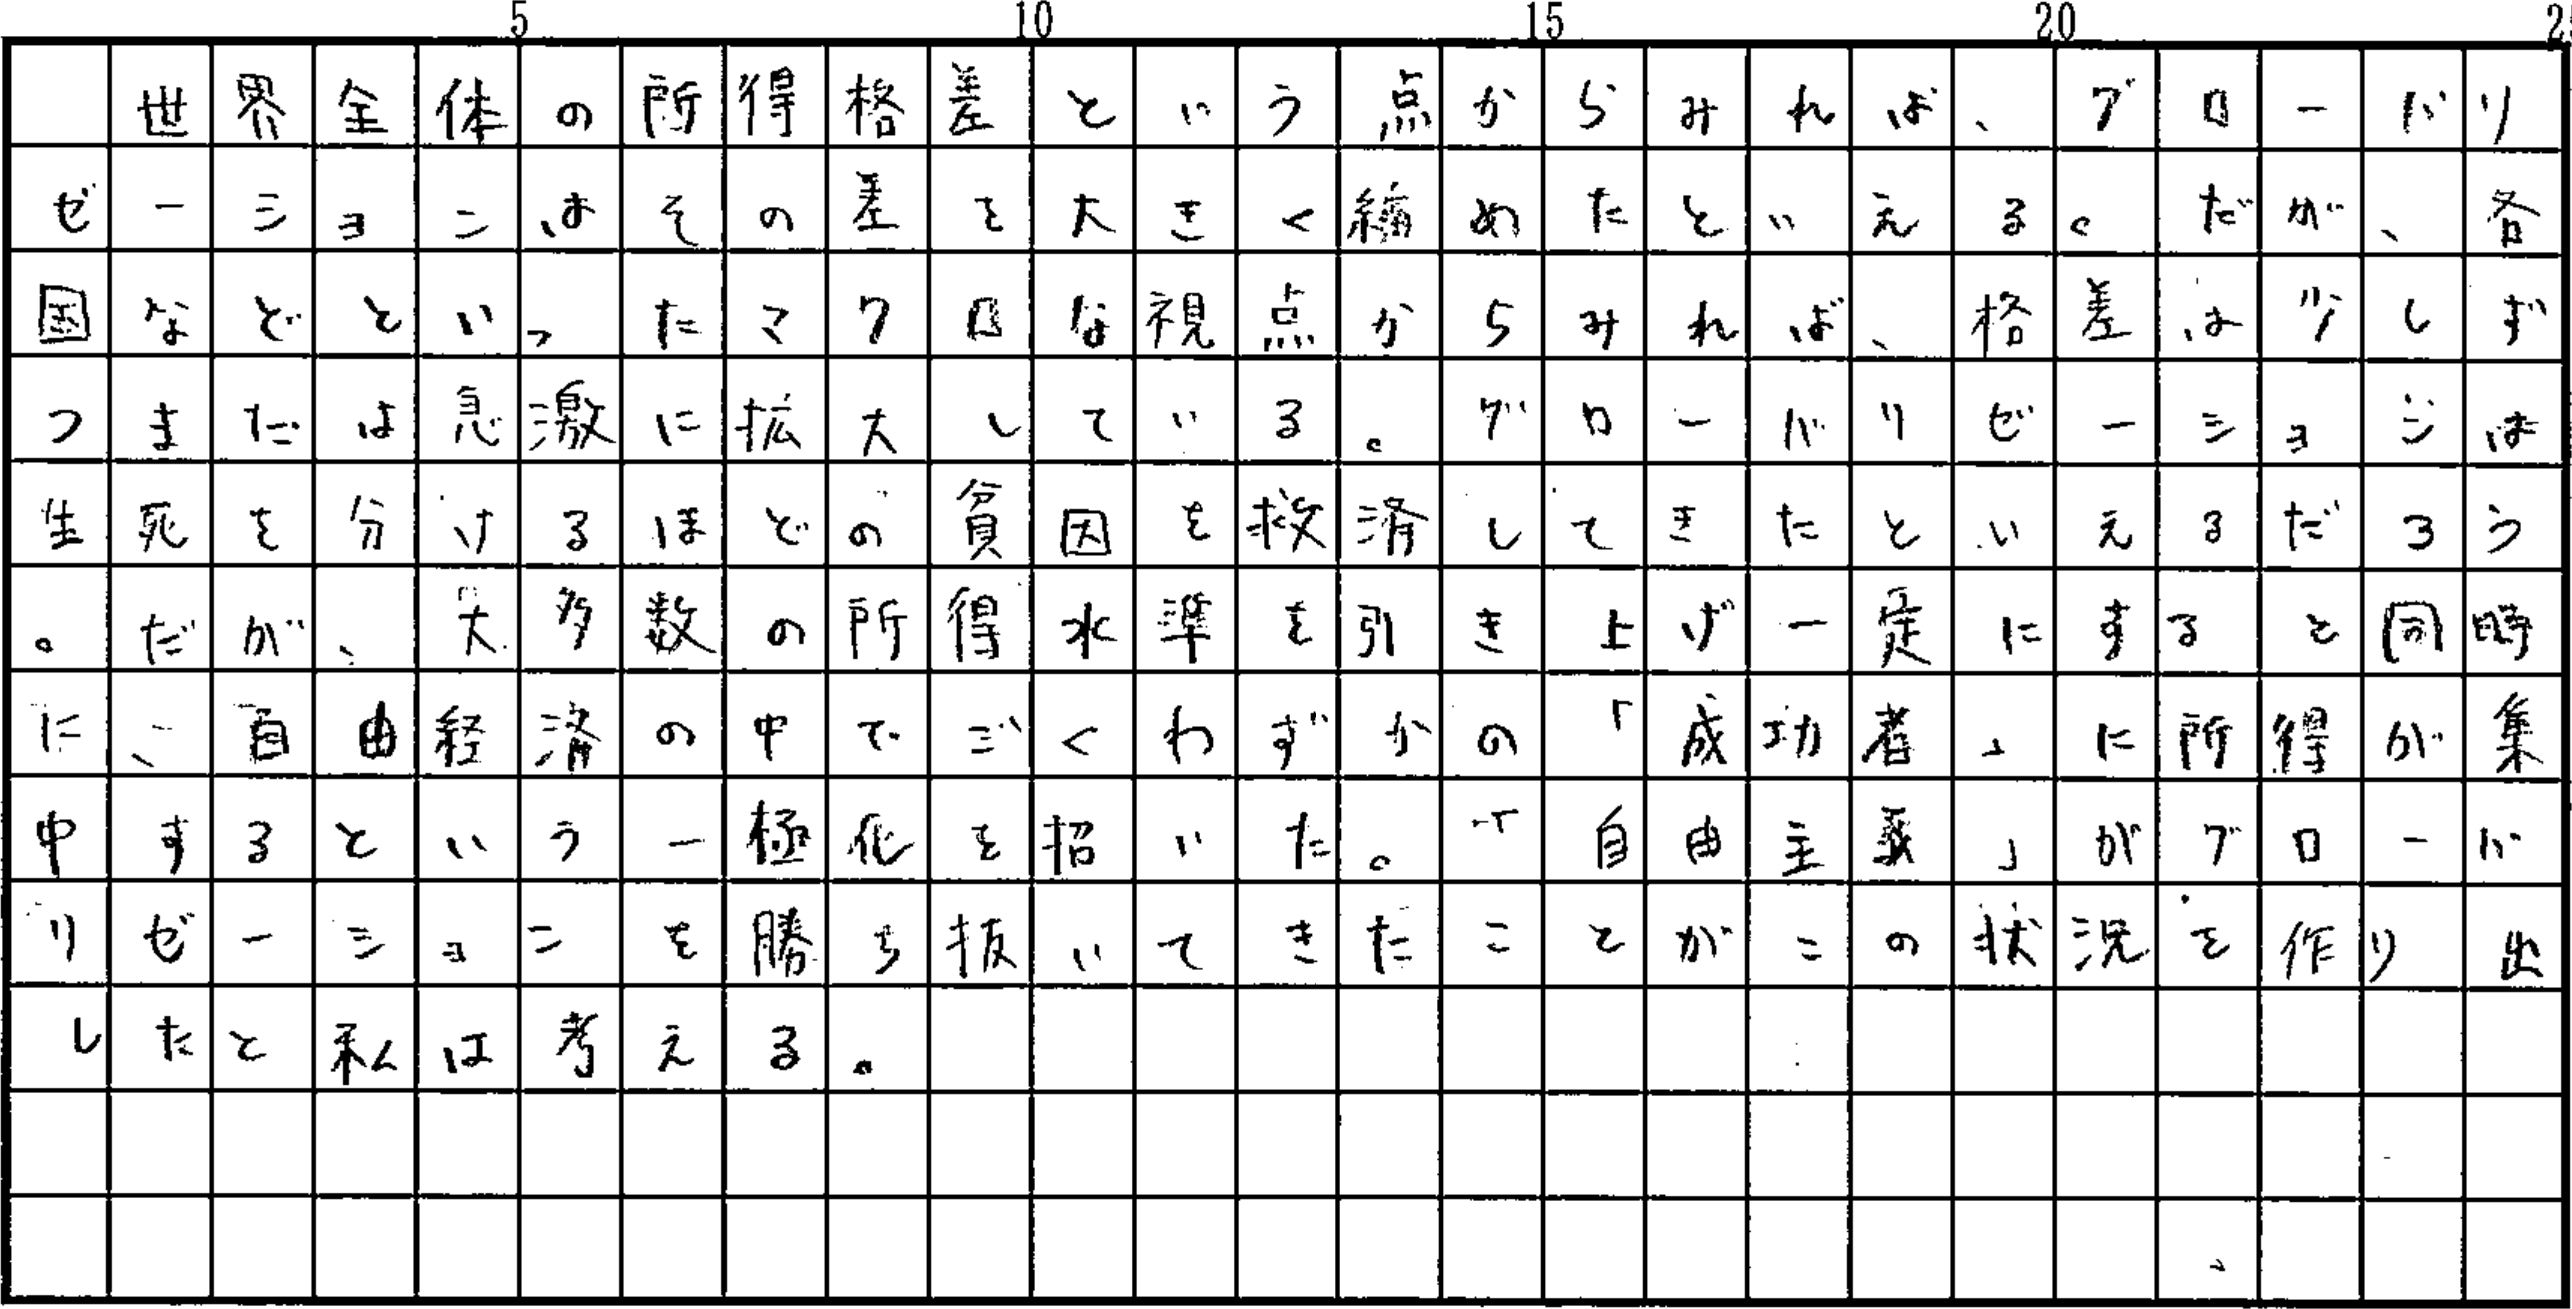　世界全体の所得格差という点からみれば、グローバリゼーションはその差を大きく縮めたといえる。だが、各国などといったマクロな視点からみれば、格差は少しずつまたは急激に拡大している。グローバリゼーションは生死を分けるほどの貧因を救済してきたといえるだろう。だが、大多数の所得水準を引き上げ一定にすると同時に、自由経済の中でごくわずかの「成功者」に所得が集中するという一極化を招いた。「自由主義」がグローバリゼーションを勝ち抜いてきたことがこの状況を作り出したと私は考える。
